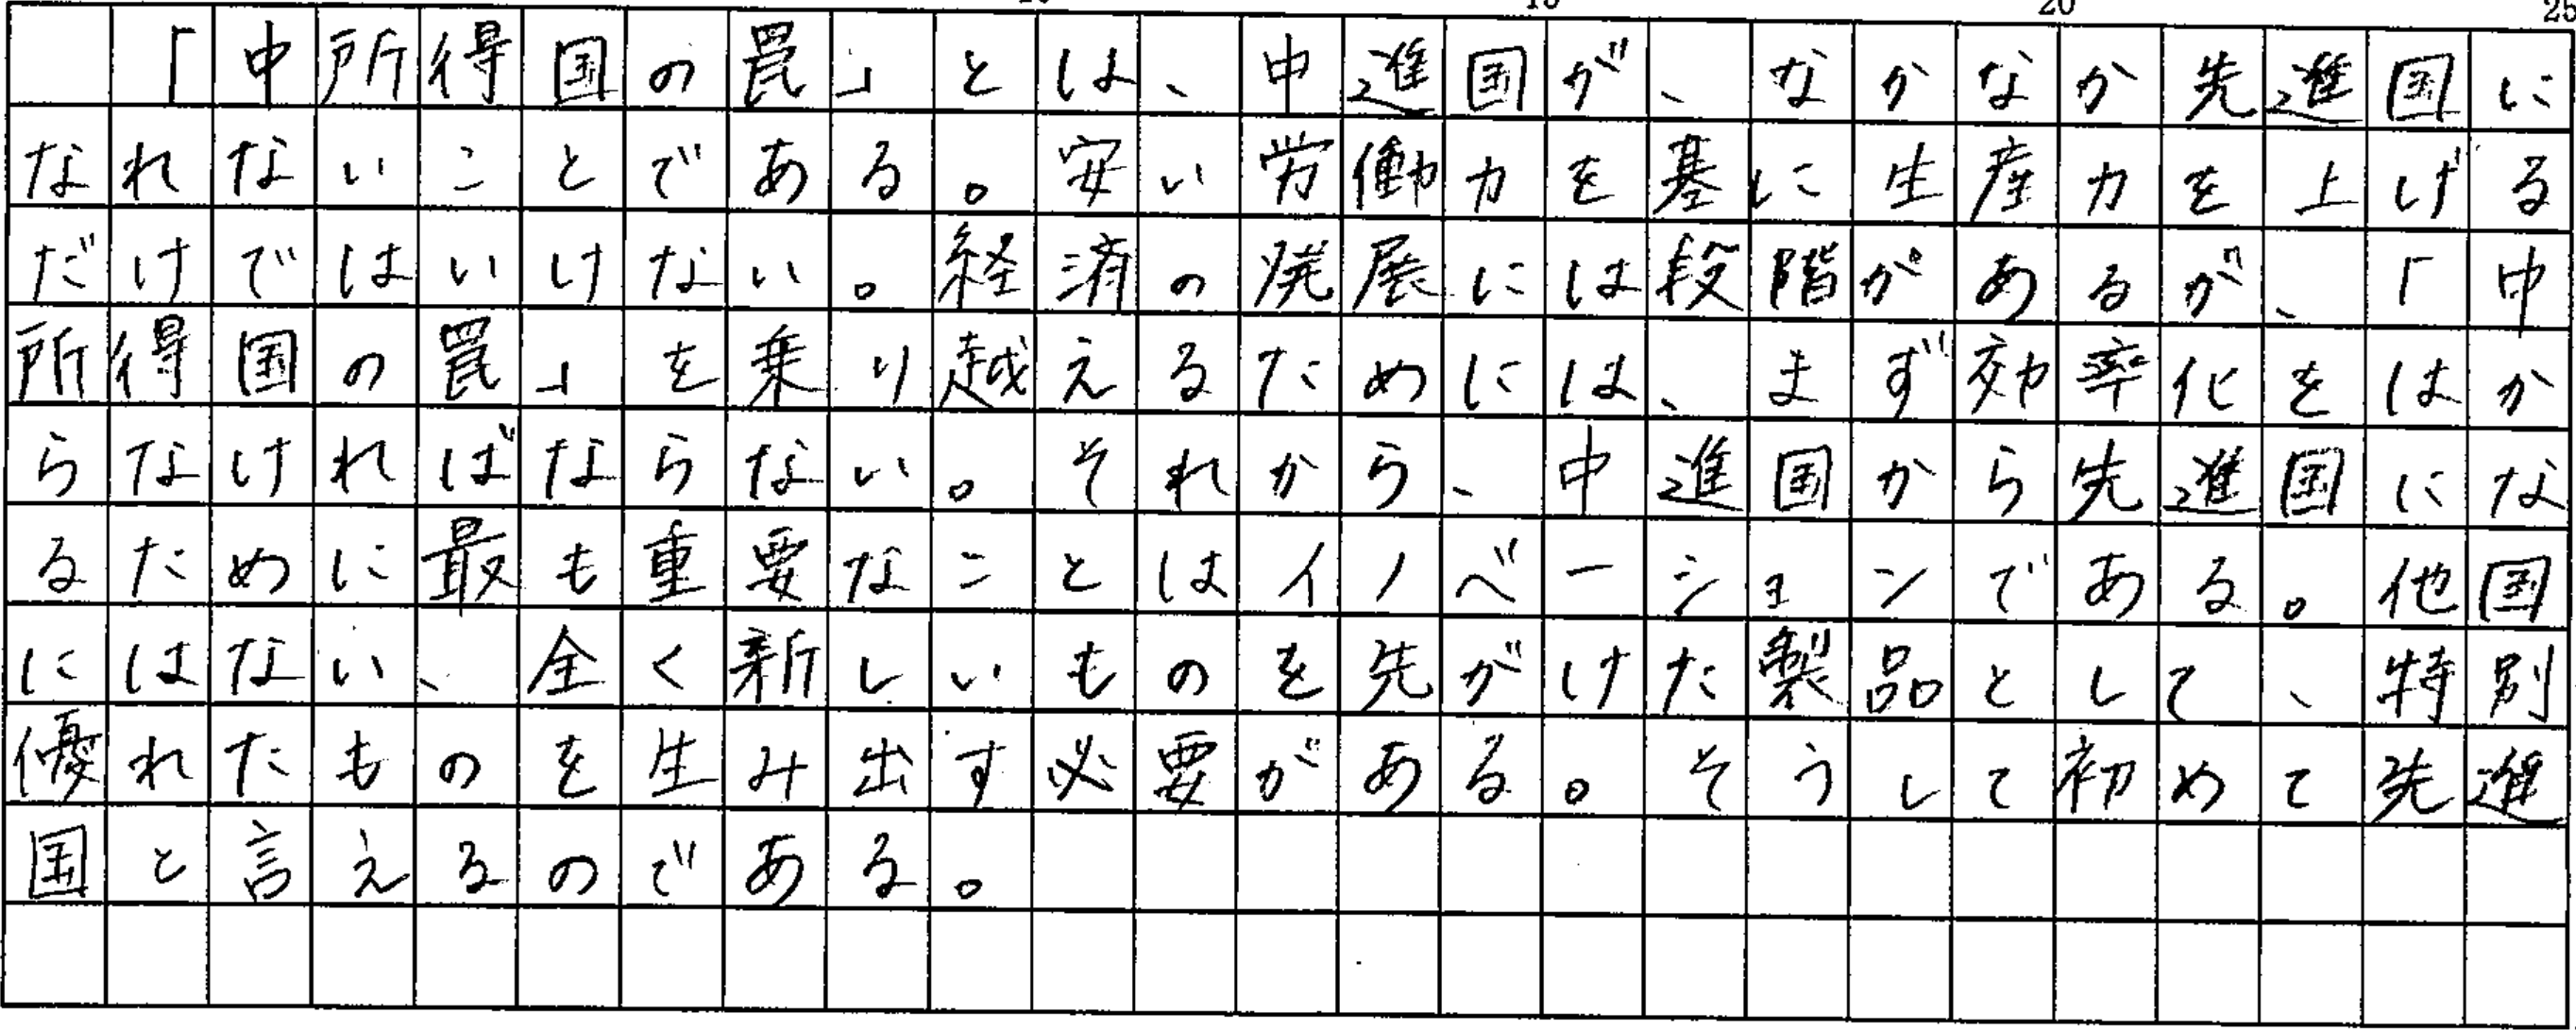　「中所得国の罠」とは、中進国が、なかなか先進国になれないことである。安い労働力を基に生産力を上げるだけではいけない。経済の発展には段階があるが、「中所得国の罠」を乗り越えるためには、まず効率化をはからなければならない。それから、中進国から先進国になるために最も重要なことはイノベーションである。他国にはない、全く新しいものを先がけた製品として、特別優れたものを生み出す必要がある。そうして初めて先進国と言えるのである。
